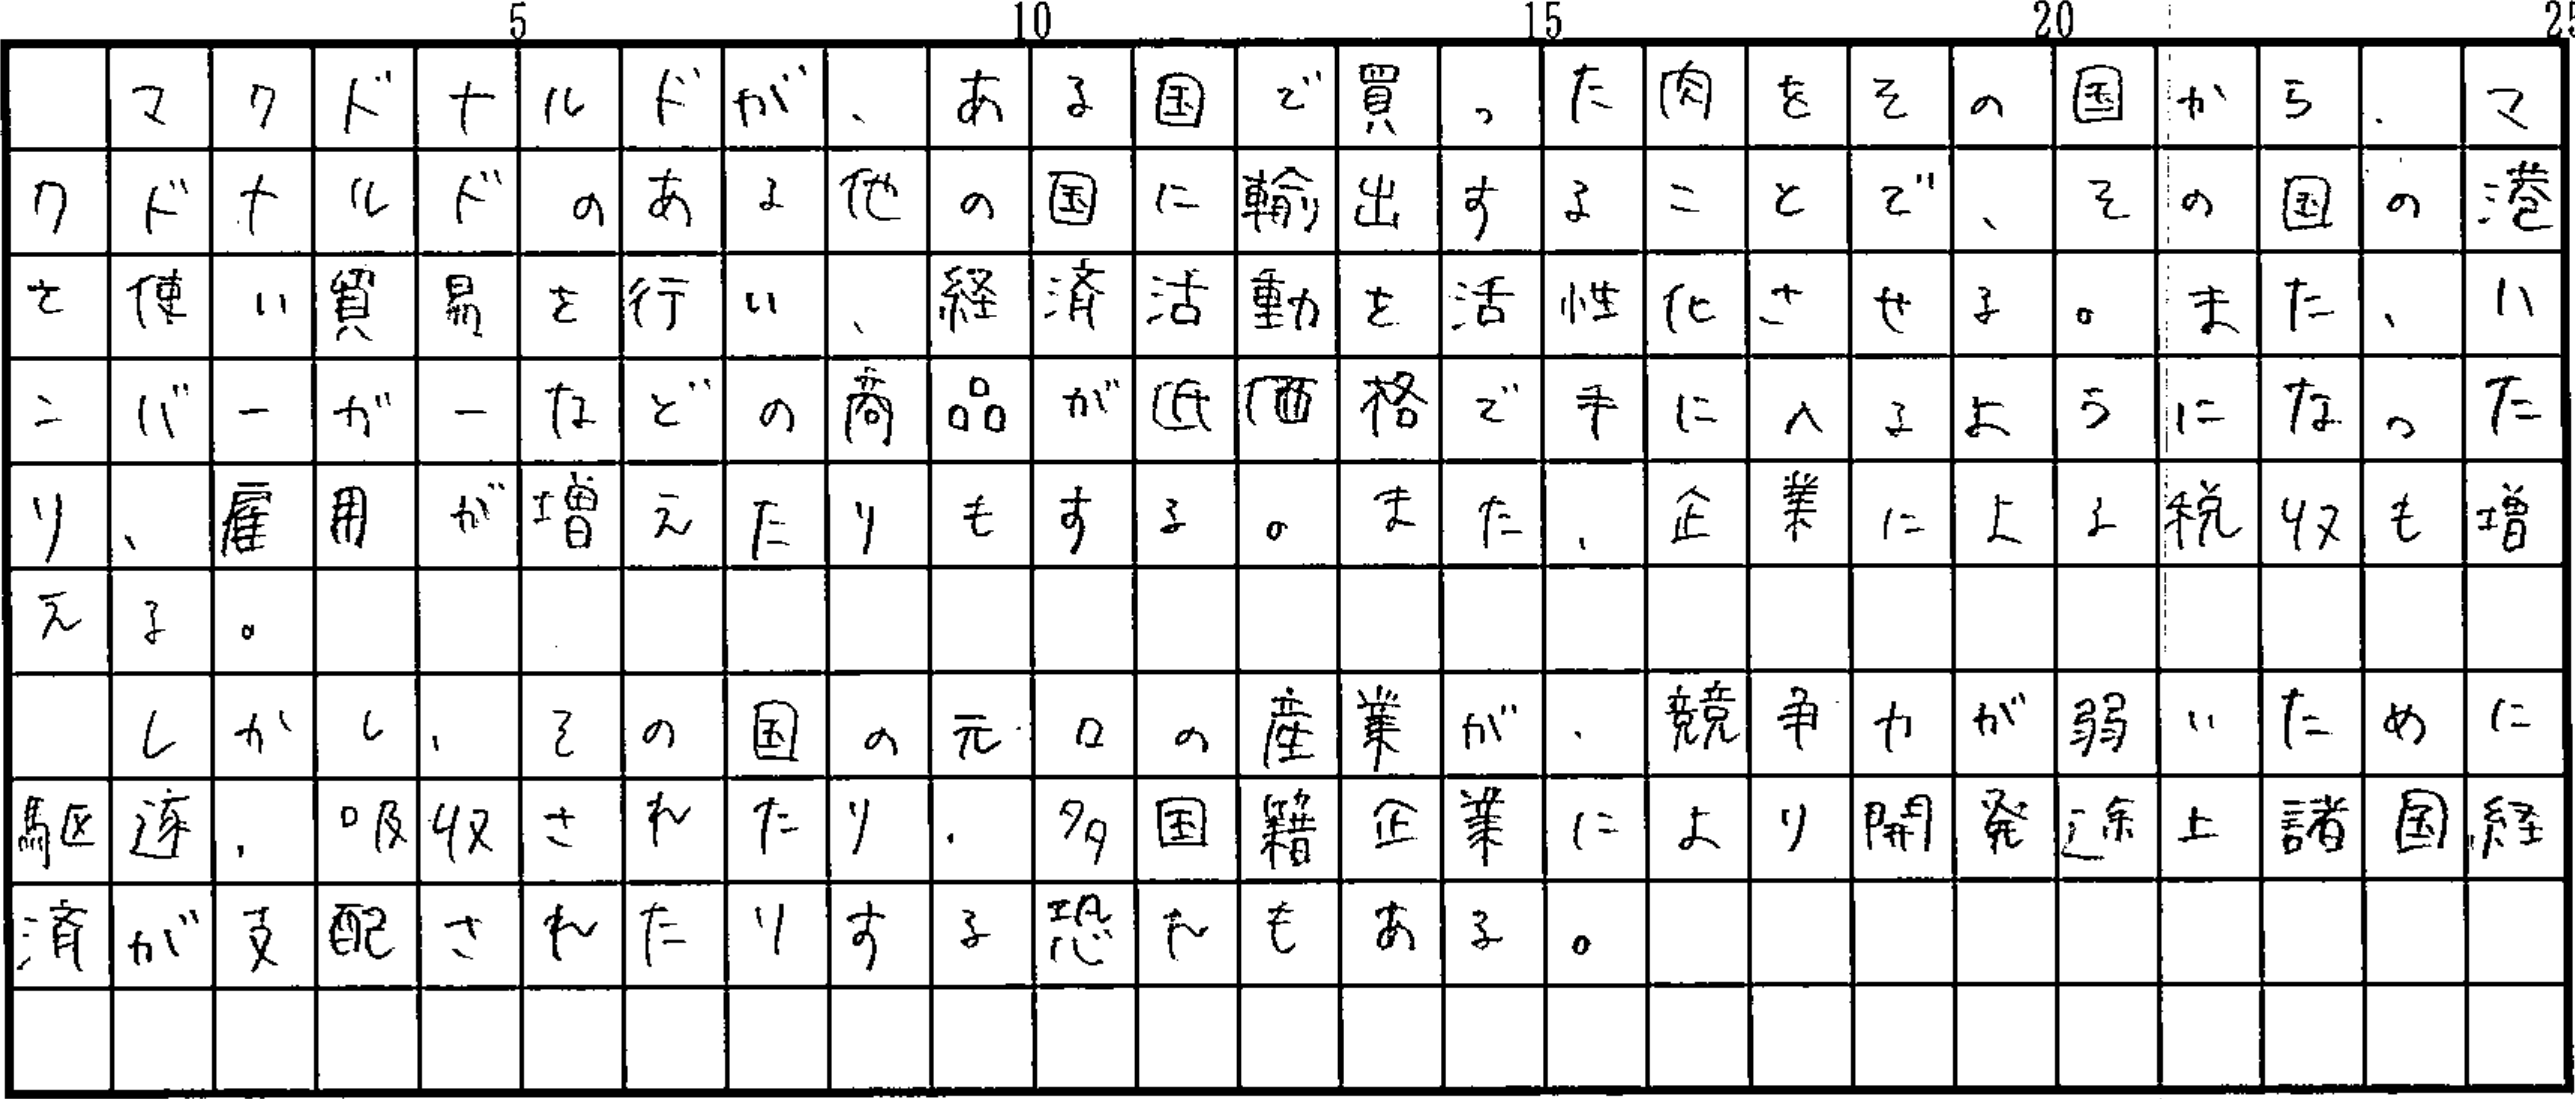　マクドナルドが、ある国で買った肉をその国から、マクドナルドのある他の国に輸出することで、その国の港を使い貿易を行い、経済活動を活性化させる。また、ハンバーガーなどの商品が低価格で手に入るようになったり、雇用が増えたりもする。また、企業による税収も増える。
　しかし、その国の元々の産業が、競争力が弱いために駆逐、吸収されたり、多国籍企業により開発途上諸国経済が支配されたりする恐れもある。
